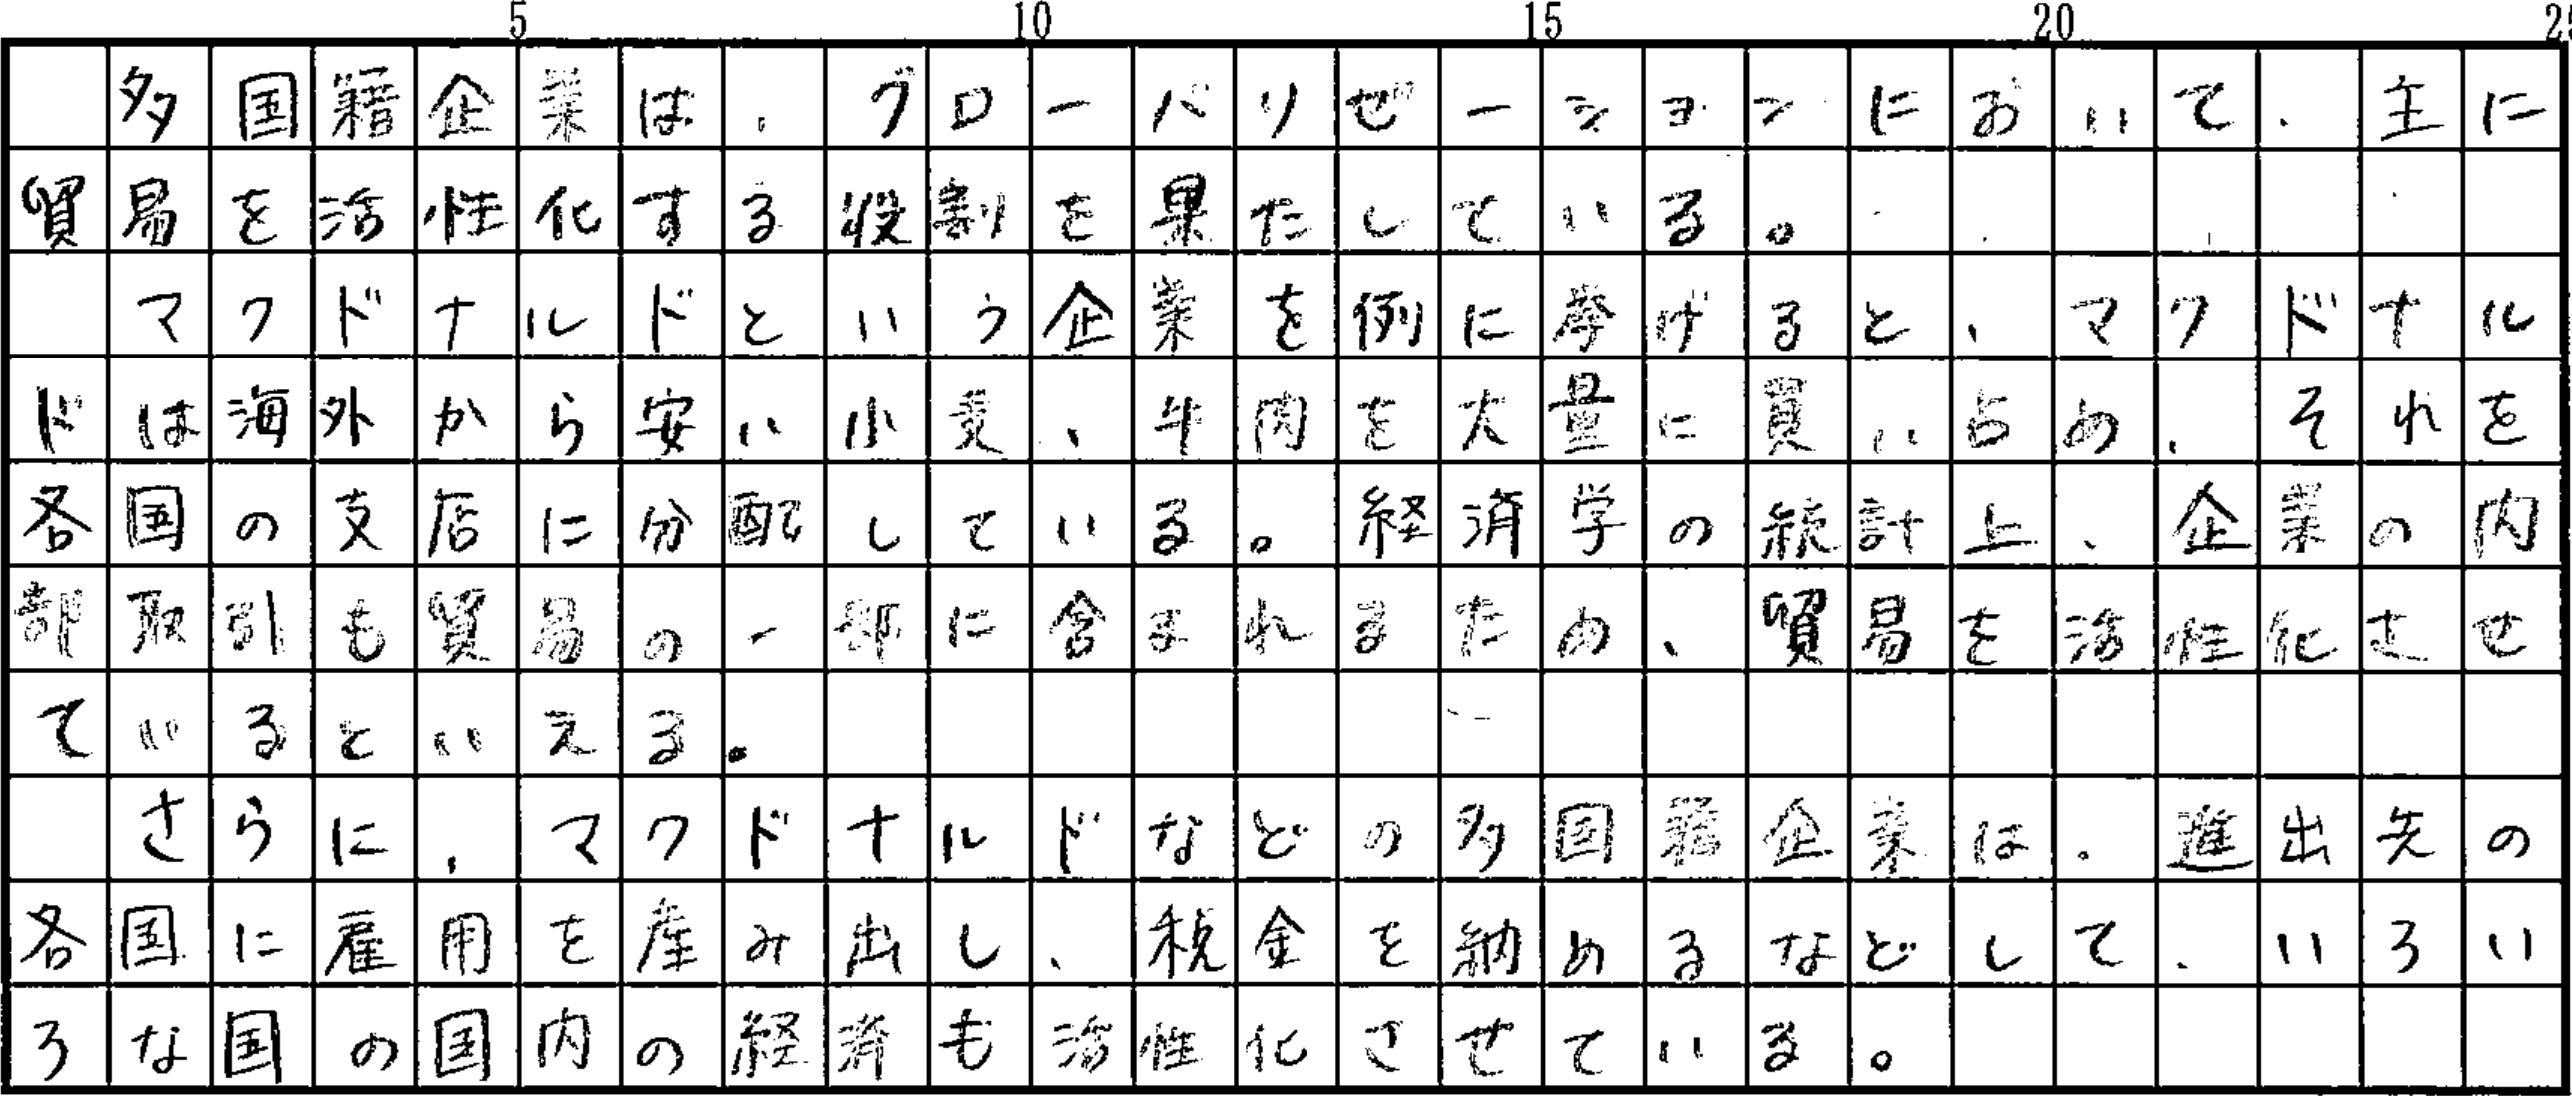　多国籍企業は、グローバリゼーションにおいて、主に貿易を活性化する役割を果たしている。
　マクドナルドという企業を例に挙げると、マクドナルドは海外から安い小麦、牛肉を大量に買い占め、それを各国の支店に分配している。経済学の統計上、企業の内部取引も貿易の一部に含まれるため、貿易を活性化させているといえる。
　さらに、マクドナルドなどの多国籍企業は、進出先の各国に雇用を産み出し、税金を納めるなどして、いろいろな国の国内の経済も活性化させている。
